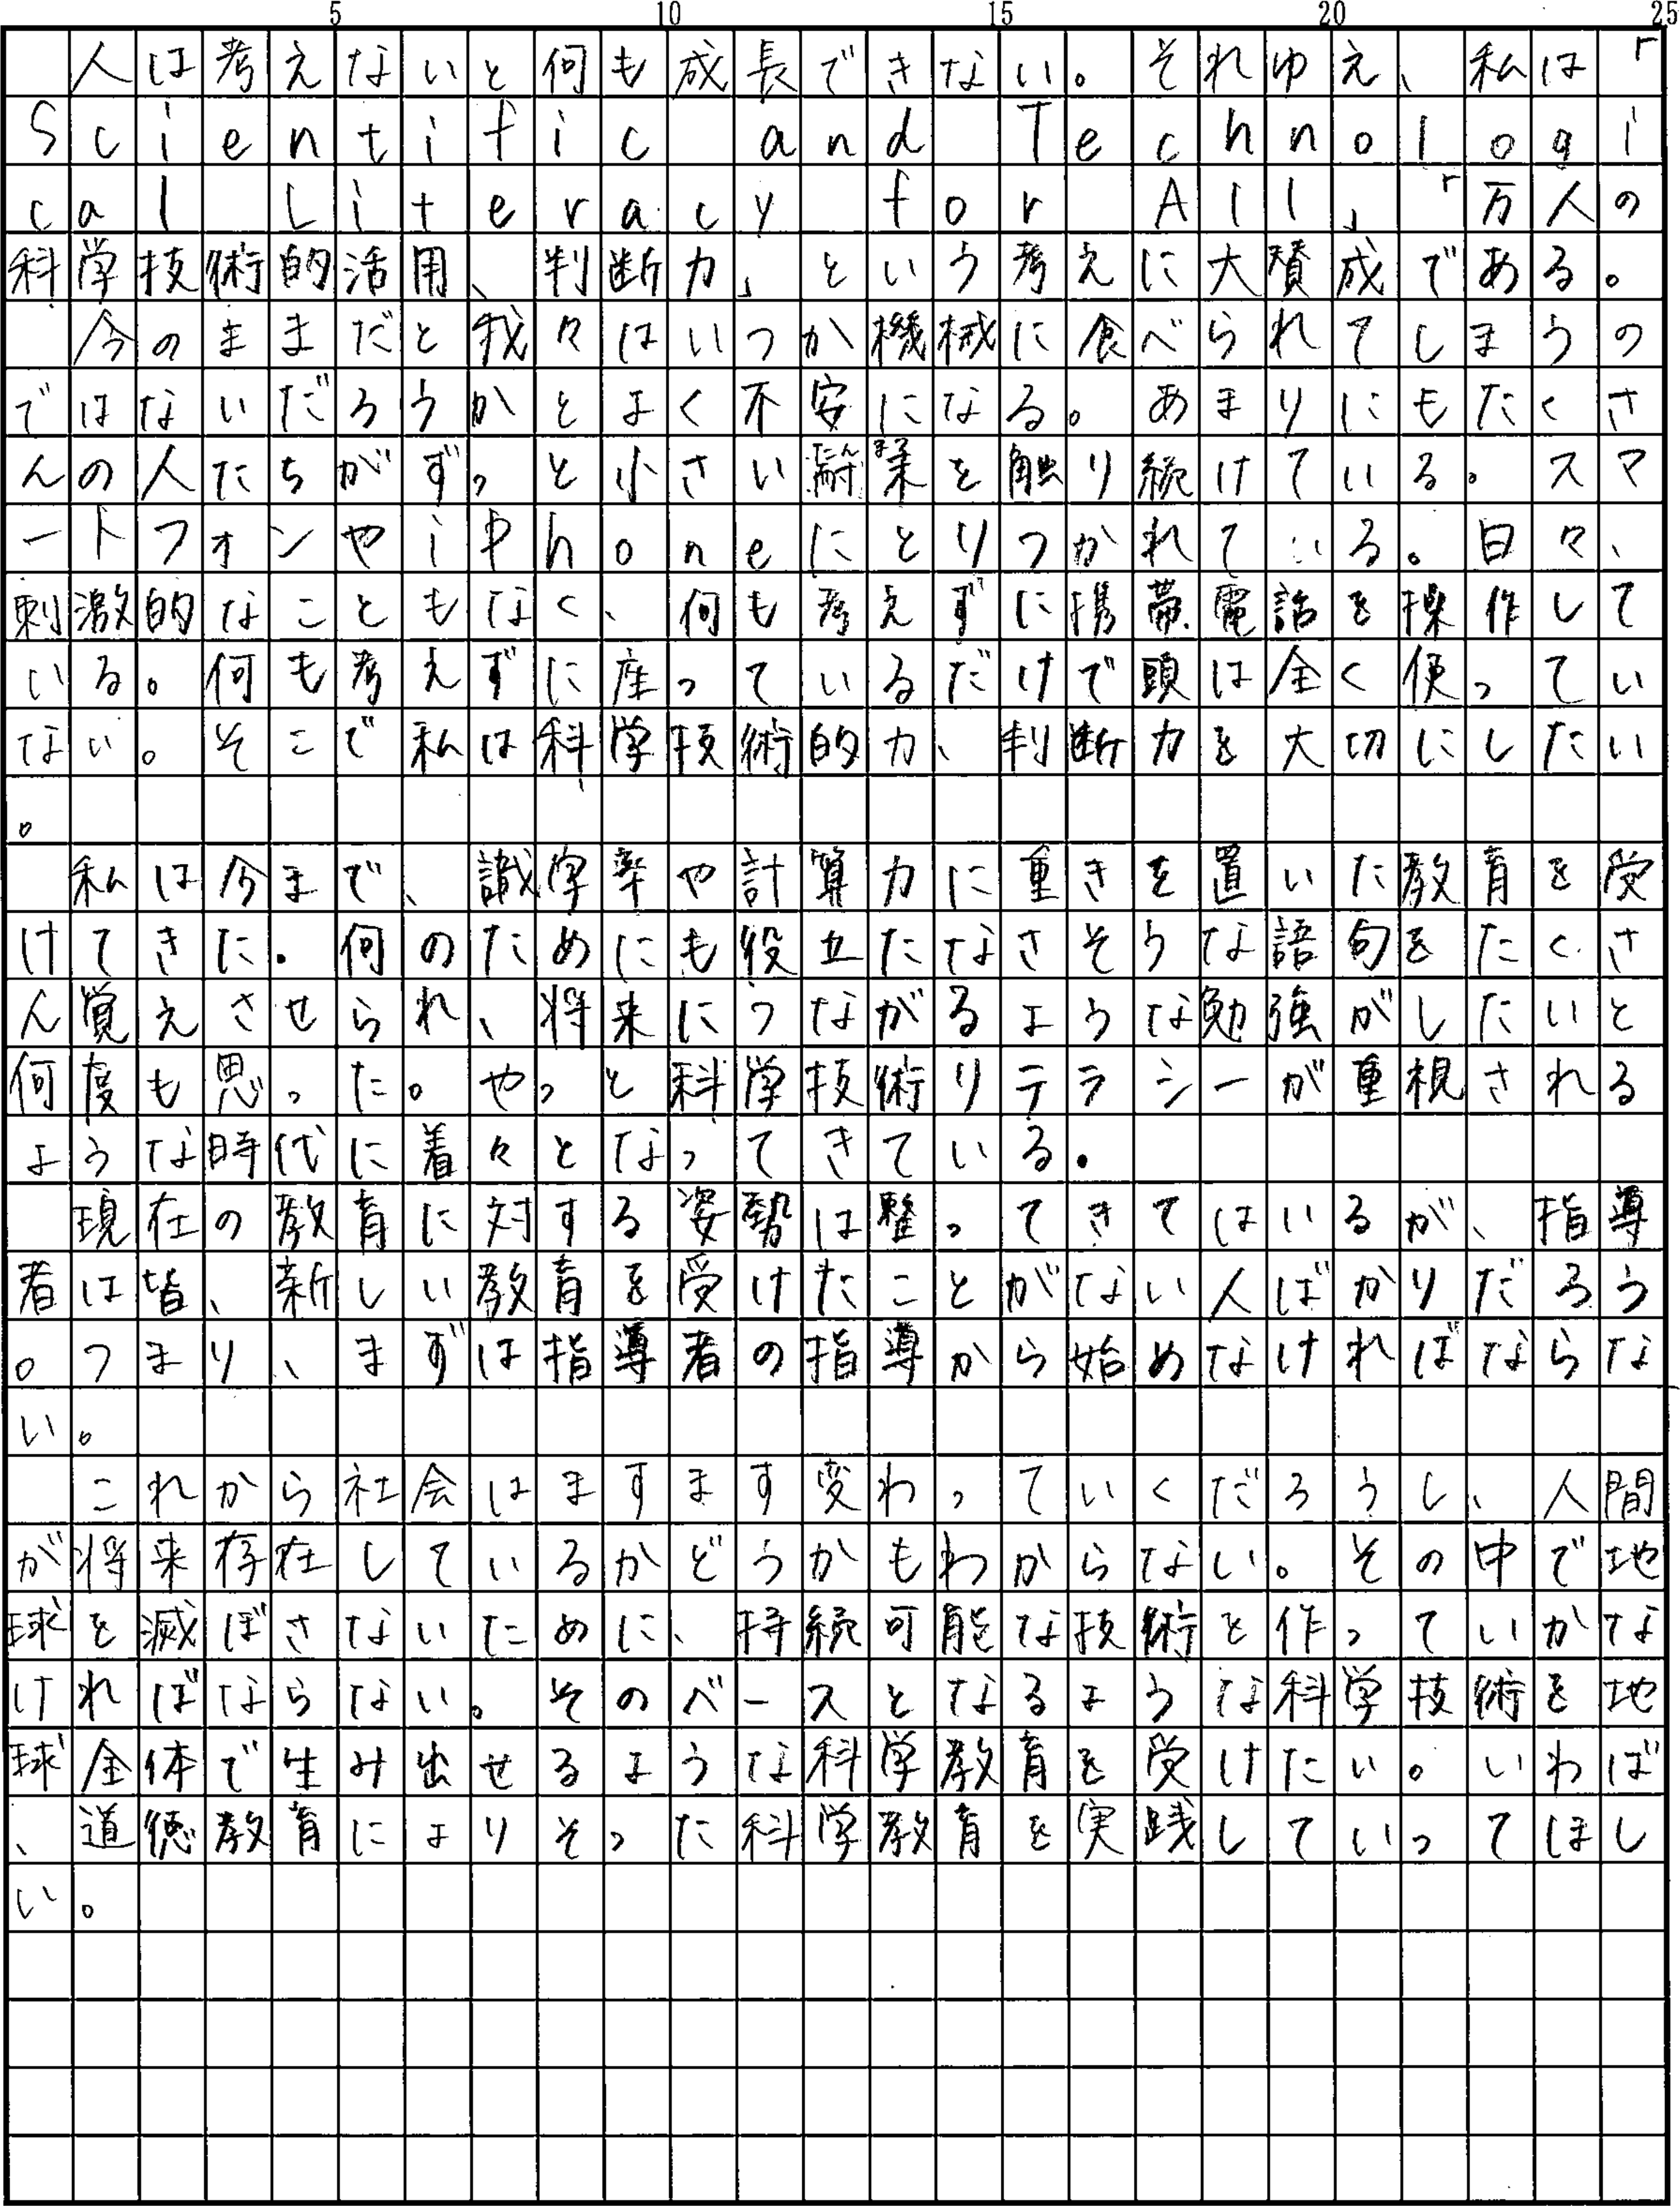　人は考えないと何も成長できない。それゆえ、私は「Ｓｃｉｅｎｔｉｆｉｃ　ａｎｄ　Ｔｅｃｈｎｏｌｏｇｉｃａｌ　Ｌｉｔｅｒａｃｙ　ｆｏｒ　Ａｌｌ」「万人の科学技術的活用、判断力」という考えに大賛成である。
　今のままだと我々はいつか機械に食べられてしまうのではないだろうかとよく不安になる。あまりにもたくさんの人たちがずっと小さい耐末を触り続けている。スマートフォンやｉＰｈｏｎｅにとりつかれている。日々、刺激的なこともなく、何も考えずに携帯電話を操作している。何も考えずに座っているだけで頭は全く使っていない。そこで私は科学技術的力、判断力を大切にしたい。
　私は今まで、識字率や計算力に重きを置いた教育を受けてきた。何のためにも役立たなさそうな語句をたくさん覚えさせられ、将来につながるような勉強がしたいと何度も思った。やっと科学技術リテラシーが重視されるような時代に着々となってきている。
　現在の教育に対する姿勢は整ってきてはいるが、指導者は皆、新しい教育を受けたことがない人ばかりだろう。つまり、まずは指導者の指導から始めなければならない。
　これから社会はますます変わっていくだろうし、人間が将来存在しているかどうかもわからない。その中で地球を滅ぼさないために、持続可能な技術を作っていかなければならない。そのベースとなるような科学技術を地球全体で生み出せるような科学教育を受けたい。いわば、道徳教育によりそった科学教育を実践していってほしい。
